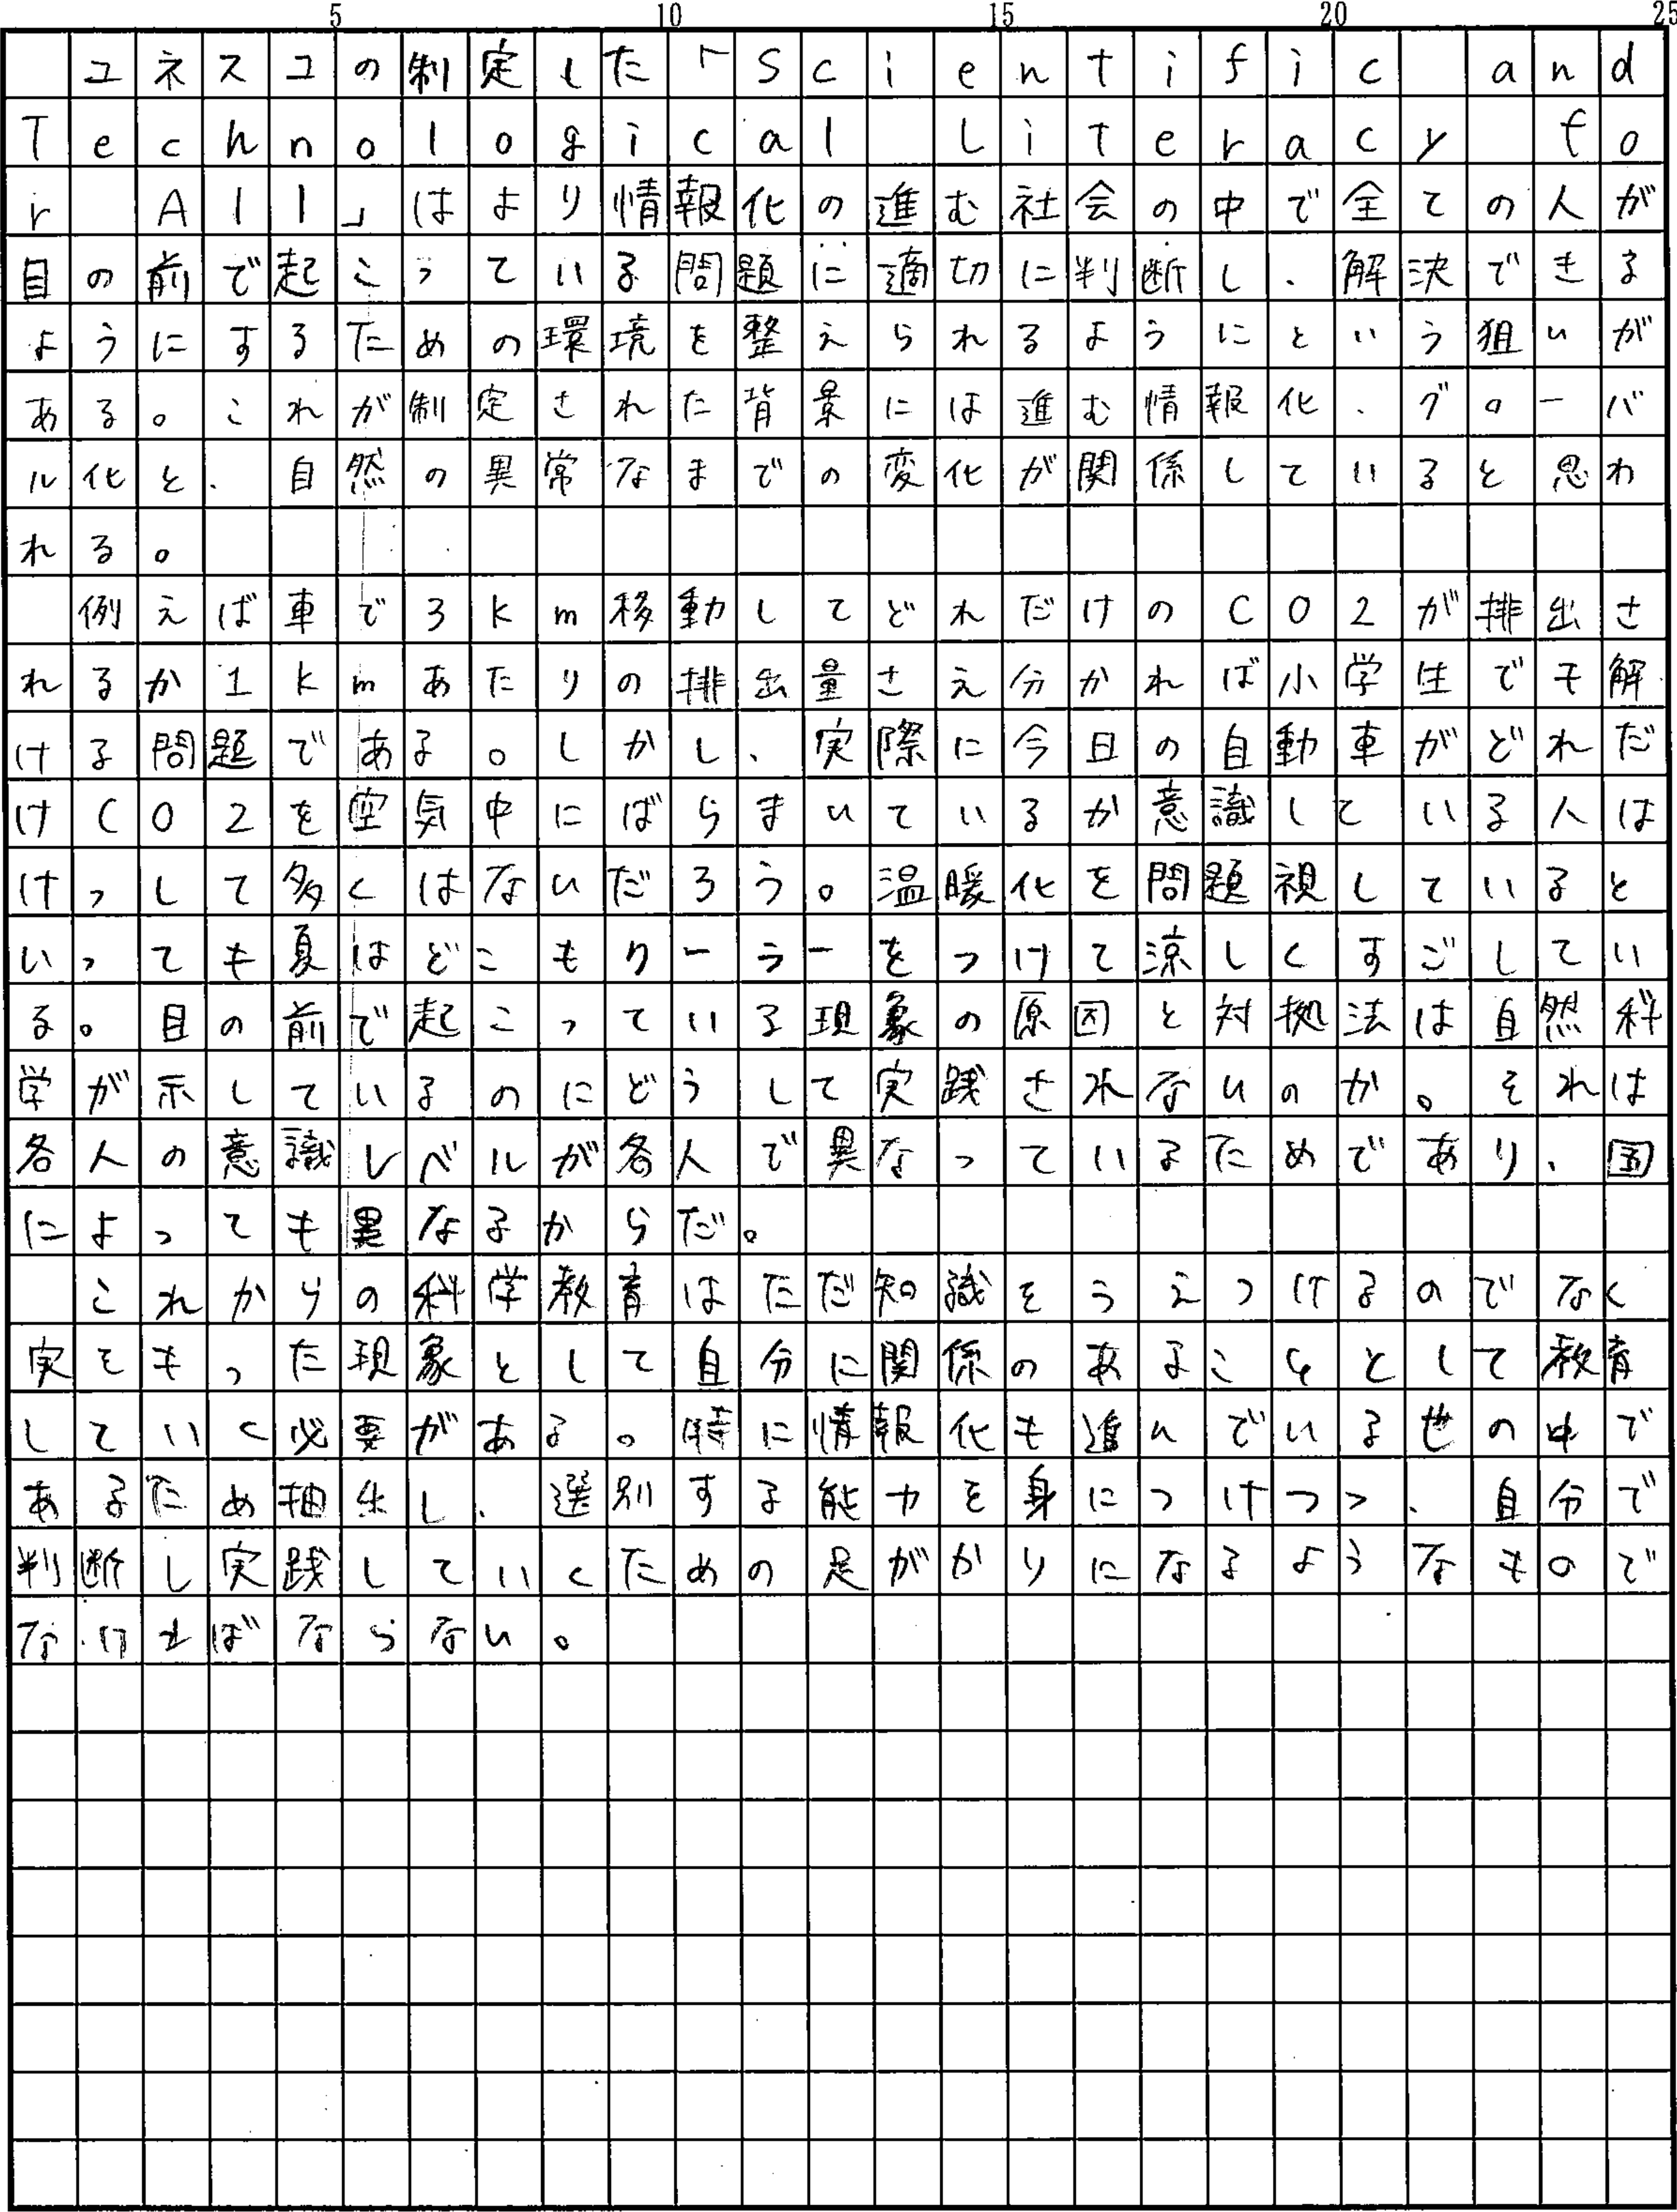　ユネスコの制定した「Ｓｃｉｅｎｔｉｆｉｃ　ａｎｄ　Ｔｅｃｈｎｏｌｏｇｉｃａｌ　Ｌｉｔｅｒａｃｙ　ｆｏｒ　Ａｌｌ」はより情報化の進む社会の中で全ての人が目の前で起こっている問題に適切に判断し、解決できるようにするための環境を整えられるようにという狙いがある。これが制定された背景には進む情報化、グローバル化と、自然の異常なまでの変化が関係していると思われる。
　例えば車で３ｋｍ移動してどれだけのＣＯ２が排出されるか１ｋｍあたりの排出量さえ分かれば小学生でも解ける問題である。しかし、実際に今日の自動車がどれだけＣＯ２を空気中にばらまいているか意識している人はけっして多くはないだろう。温暖化を問題視しているといっても夏はどこもクーラーをつけて涼しくすごしている。目の前で起こっている現象の原因と対拠法は自然科学が示しているのにどうして実践されないのか。それは各人の意識レベルが各人で異なっているためであり、国によっても異なるからだ。
　これからの科学教育はただ知識をうえつけるのでなく実をもった現象として自分に関係のあることとして教育していく必要がある。特に情報化も進んでいる世の中であるため抽▁し、選別する能力を身につけつつ、自分で判断し実践していくための足がかりになるようなものでなければならない。
